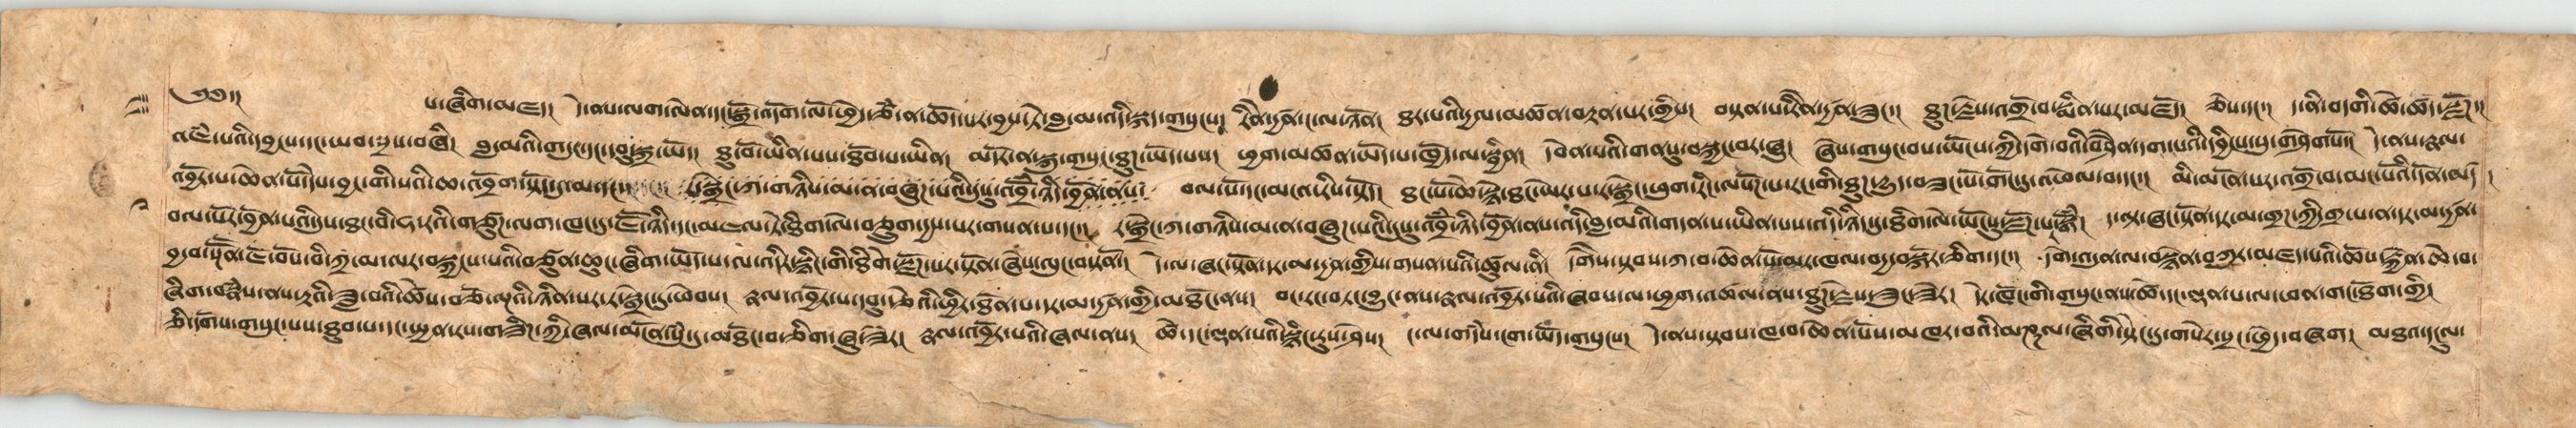པ་ཞིག་མཛད། དེ་ནས་ལག་ལེན་དང་སྒྲོ་འདོག་ལོ་ཕྱེད་ཙཾ་ན་ཆོད་པར་བྱས་ཏེ་བླ་མ་འདི་སྐད་གསུངས། རིནེ་དྱཚན་ང་ལ་ཉོན། ཐར་པའི་དྱལ་མཚན་བརྟན་པར་གྱིས། བསྟན་པ་རིནེ་་དྱཚན་ཟུང་། ཐུཌ་རྗེས་འགྲོ་བ་སྨིན་པར་མཛོད། ཅེས་དང་། ད་ནི་བདགི་ཚེ་ཚད་སྫོཌ་།
འཇཾ་པའི་དབྱངས་དང་ཡབ་སྲས་བཞི། བླ་མའི་གདུང་དང་དབུ་སྐྲ་ཡོད། ཐུ་བོ་ཡིན་པས་ཐོབ་པ་ཡིན། མདོར་ན་སྐུ་གསུང་ཐུཌ་ཡོད་པས། ཕྱག་མཚན་ཡོད་པ་ཁྱོད་ལ་སྦྱིན། དབེན་པའི་གནསུ་བསྐྱང་བར་ཞུ། ཞེས་གསུང་བས་ཡོངས་ཀྱི་དགེ་བའི་བཤཻན་དག་པའི་དབྱིངས་སུ་གཤེགསོ་། དེ་ནས་རྣལ་
འབྱོར་པ་ཆེན་པོ་དེས་བྱང་གི་སའི་ཆ་འབྲོག་སྟོད་དུ་མ་དང་ ར་སྒྲེང་ཀ་གཉིས་མ་ན་བཞུཌ་པའི་དུསུ་འབྲོཾ་ཉིད་བྱོན་ནས། བལ་པོ་དང་མངའ་རིས་སྟོད། ཐང་པོ་ཆེ་སྙེ་ཐང་ཡེར་པ་ར་སྒྲེང་ཕུག་རིང་ལསོཌ་པ་རང་གི་ཐུཌ་དྱུད་བཟང་པོ་གོང་དུ་འཕེལ་བ་དང་། མི་མངོན་པར་འགྲོ་བ་མང་པོའི་དོན་མཛད།
བལ་པོར་བྱོན་པའི་དུས་ཐང་བི་ཧ་རའི་གཙུཌ་ལག་ཁང་དུ་ཇཽ་ཉིད་དང་མཇལ་ཏེ་ཐིག་ལེ་བཅྲུག་དྱས་པར་གསན་པ་དང་། ར་སྒྲེང་ཀ་གཉིས་མ་ན་བཞུཌ་པའི་དུསུ་འབྲོཾ་ཉིད་བྱོན་ནས་འདི་བླ་མའི་གདན་ས་ཡིན་པས་འདི་ཉིད་དུ་ཐིག་ལེ་ཡོངསུ་སྫོཌ་པར་སྒོཾ། ད་ལྟ་ཞང་སྟོན་དར་མ་གྲཌ་ཀྱི་གྲ་ས་ན་དར་མ་དྱཚན་
བྱ་བ་སྔཽན་ཇོ་བོས་བི་ཀྲ་མ་ལར་བསྐྱངས་པའི་བཙུན་ཆུང་ཞིག་ཡོད་པ་ལ་འདིར་སྙིང་གི་ཐིགེ་སྫོཌ་པར་སྟོན་ཞེས་ལུང་བསྟནོ་། དེ་ལ་ཞང་སྟོན་དར་མ་དྱཚན་གྱིས་གསན་པའི་ཚུལ་ནི། དགཻས་སྟབས་ཀ་བ་ཆེན་པོ་མར་ཁལ་བདྱ་བསྐོར་ཅིག་དང་། དགེ་འདུན་ལ་བསྙེན་བཀུར་མཛད་པའི་ཆོས་རྐྱེན་ཆེ་བ་
ཞིག་བསྣཾས་ནས་རྟའི་ཟླ་བའི་ཚེས་བཅོ་ལྔའི་ཉིན་པར་ར་སྒྲེང་དུ་ཕེབས། རྣལ་འབྱོར་པ་དབུ་རྩེའི་ཕྱིར་ཐོན་པ་དར་མ་དྱཚན་གྱི་མཐོང་ནས། བང་རང་བཏང་བྱུང་ནས་རྣལ་འབྱོར་པའི་ཞབས་ལ་ཕྱག་འཚལ་ནས་ཐུཌ་རྗེས་ཟུང་ཟེར། དེར་ཁོང་གི་གསུང་ནས་ཚེ་དང་ལྡན་པ་ལ་ཕན་གང་ཐོག་གྱི།
ཅི་དགོས་གསུངས་པས་ཐུབ་པ་དང་སྤྱན་རས་གཟིཌ་ཀྱི་ཞལ་མངོན་སུཾ་དུ་མཐོང་བ་ཅིག་ཞུ་ཟེར། རྣལ་འབྱོར་བའི་ཞལ་ནས། ཚེ་དང་ལྡན་པའི་སྙིང་རུས་ཤེས། ང་ལ་གདཾས་ངག་ཡོད་གསུངས། དེ་ནས་སྟབས་ཁ་བ་ཆེན་པོས་མཁར་བའི་མཎྜལ་ཞིགི་སྟེང་དུ་གསེར་སྲང་ཕྱེད་བཞག། མཐའ་དངུལ་